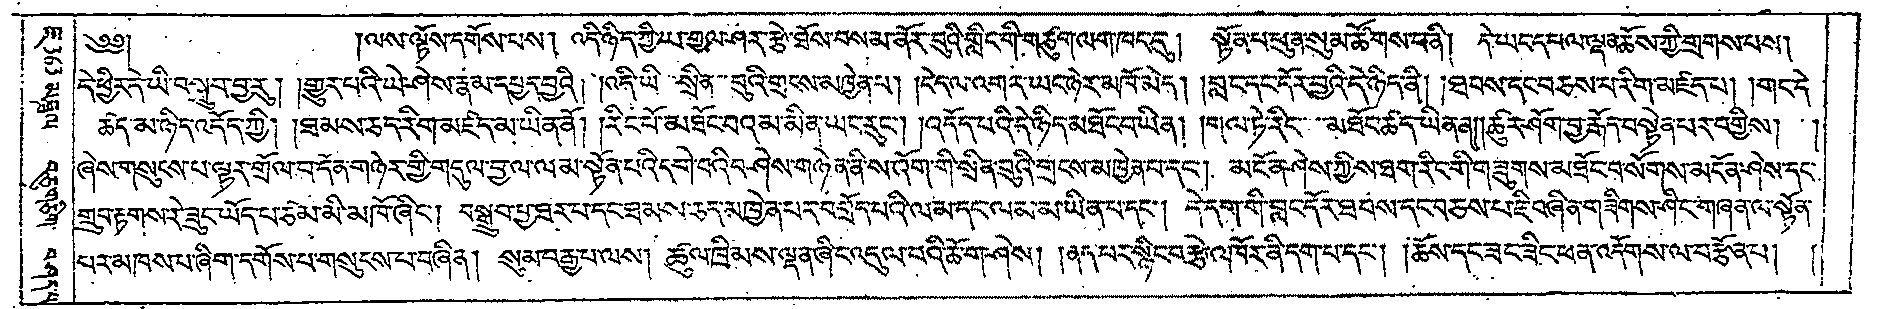༄༅། །ལས་ལྟོས་དགོས་པས། འདི་ཉིད་ཀྱི་ཡ་གྱལ་ཤར་རྩེ་ཐོས་བསམ་ནོར་བུའི་གླིང་གི་གཙུག་ལག་ཁང་དུ། སྟོན་པ་ཕུན་སུམ་ཚོགས་པ་ནི། དེ་ཡང་དཔལ་ལྡན་ཆོས་ཀྱི་གྲགས་པས།
དེ་ཕྱིར་དེ་ཡི་བསྒྲུབ་བྱ་རུ། །གྱུར་པའི་ཡེ་ཤེས་རྣམ་དཔྱད་བྱའི། །འདི་ཡི་སྲིན་བུའི་གྲངས་མཁྱེན་པ། །ངེད་ལ་འགར་ཡང་ཉེར་མཁོ་མེད། །བླང་དང་དོར་བྱའི་དེ་ཉིད་ནི། །ཐབས་དང་བཅས་པ་རིག་མཛད་པ། །གང་དེ་
ཚད་མ་ཉིད་འདོད་ཀྱི། །ཐམས་ཅད་རིག་མཛད་མ་ཡིན་ནོ། །རིང་པོ་མཐོང་བའམ་མིན་ཡང་རུང་། །འདོད་པའི་དེ་ཉིད་མཐོང་བ་ཡིན། །གལ་ཏེ་རིང་མཐོང་ཚད་ཡིན་ན། །ཚུར་ཤོག་བྱ་རྒོད་བསྟེན་པར་བགྱིས། །
ཞེས་གསུངས་པ་ལྟར་གྲོལ་བ་དོན་གཉེར་གྱི་གདུལ་བྱ་ལ་ལམ་སྟོན་པའི་དགེ་བའི་བཤེས་གཉེན་ནི་ས་འོག་གི་སྲིན་བུའི་གྲངས་མཁྱེན་པ་དང་། མངོན་ཤེས་ཀྱིས་ཐག་རིང་གི་གཟུགས་མཐོང་བ་སོགས་མངོན་ཤེས་དང་
གྲུབ་རྟགས་རེ་ཟུང་ཡོད་པ་ཙམ་མི་མཁོ་ཞིང་། བསྒྲུབ་བྱ་ཐར་པ་དང་ཐམས་ཅད་མཁྱེན་པར་བགྲོད་པའི་ལམ་དང་ལམ་མ་ཡིན་པ་དང་། དེ་དག་གི་བླང་དོར་ཐབས་དང་བཅས་པ་ཇི་བཞིན་གཟིགས་ཤིང་གཞན་ལ་སྟོན་
པར་མཁས་པ་ཞིག་དགོས་པ་གསུངས་པ་བཞིན། སུམ་བརྒྱ་པ་ལས། ཚུལ་ཁྲིམས་ལྡན་ཞིང་འདུལ་བའི་ཆོ་ག་ཤེས། །ནད་པར་སྙིང་བརྩེ་འཁོར་ནི་དག་པ་དང་། །ཆོས་དང་ཟང་ཟིང་ཕན་འདོགས་ལ་བརྩོན་པ། །